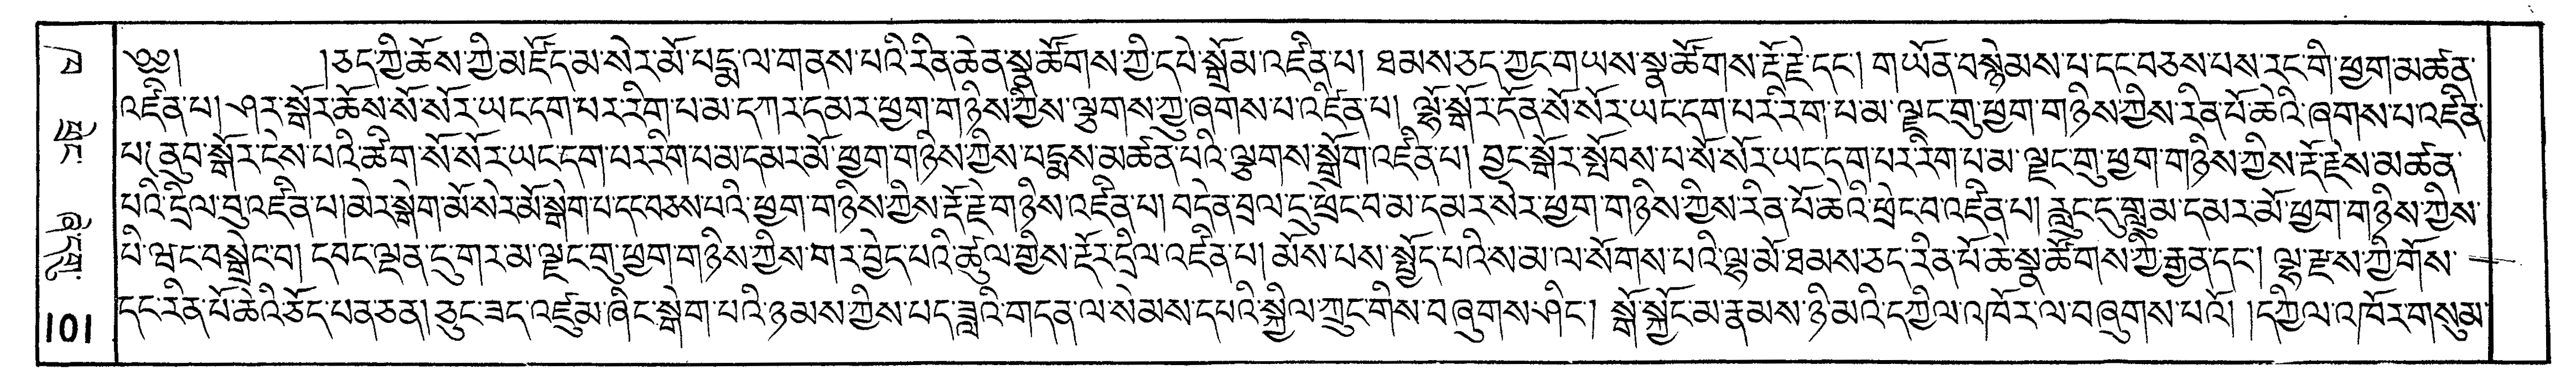༄༅། །ཅད་ཀྱི་ཆོས་ཀྱི་མཛོད་མ་སེར་མོ་པདམ་ལ་གནས་པའི་རིན་ཆེན་སྣ་ཚོགས་ཀྱི་དཔེ་སྒྲོམ་འཛིན་པ། ཐམས་ཅད་ཀྱང་གཡས་སྣ་ཚོགས་རྡོ་རྗེ་དང་། གཡོན་བསྙེམས་པ་དང་བཅས་པས་རང་གི་ཕྱག་མཚན་
འཛིན་པ། ཤར་སྒོར་ཆོས་སོ་སོར་ཡང་དག་པར་རིག་པ་མ་དཀར་དམར་ཕྱག་གཉིས་ཀྱིས་ལྕགས་ཀྱུ་ཞགས་པ་འཛིན་པ། ལྷོ་སྒོར་དོན་སོ་སོར་ཡང་དག་པར་རིག་པ་མ་ལྗང་གུ་ཕྱག་གཉིས་ཀྱིས་རིན་པོ་ཆེའི་ཞགས་པ་འཛིན་
པ༑ ནུབ་སྒོར་ངེས་པའི་ཚིག་སོ་སོར་ཡང་དག་པར་རིག་པ་མ་དམར་མོ་ཕྱག་གཉིས་ཀྱིས་པདམས་མཚན་པའི་ལྕགས་སྒྲོག་འཛིན་པ། བྱང་སྒོར་སྤོབས་པ་སོ་སོར་ཡང་དག་པར་རིག་པ་མ་ལྗང་གུ་ཕྱག་གཉིས་ཀྱིས་རྡོ་རྗེས་མཚན་
པའི་དྲིལ་བུ་འཛིན་པ། མེར་སྒེག་མོ་སེར་མོ་སྒེག་པ་དང་བཅས་པའི་ཕྱག་གཉིས་ཀྱིས་རྡོ་རྗེ་གཉིས་འཛིན་པ། བདེན་བྲལ་དུ་ཕྲེང་བ་མ་དམར་སེར་ཕྱག་གཉིས་ཀྱིས་རིན་པོ་ཆེའི་ཕྲེང་བ་འཛིན་པ། རླུང་དུ་གླུ་མ་དམར་མོ་ཕྱག་གཉིས་ཀྱིས་
པི་ཝང་བསྒྲེང་བ། དབང་ལྡན་དུ་གར་མ་ལྗང་གུ་ཕྱག་གཉིས་ཀྱིས་གར་བྱེད་པའི་ཚུལ་གྱིས་རྡོར་དྲིལ་འཛིན་པ། མོས་པས་སྤྱོད་པའི་ས་མ་ལ་སོགས་པའི་ལྷ་མོ་ཐམས་ཅད་རིན་པོ་ཆེ་སྣ་ཚོགས་ཀྱི་རྒྱན་དང་། ལྷ་རྫས་ཀྱི་གོས་
དང་རིན་པོ་ཆེའི་ཅོད་པན་ཅན། ཅུང་ཟད་འཛུམ་ཞིང་སྒེག་པའི་ཉམས་ཀྱིས་པད་ཟླའི་གདན་ལ་སེམས་དཔའི་སྐྱིལ་ཀྲུང་གིས་བཞུགས་ཤིང་། སྒོ་སྐྱོང་མ་རྣམས་ཉི་མའི་དཀྱིལ་འཁོར་ལ་བཞུགས་པའོ། །དཀྱིལ་འཁོར་གསུམ་